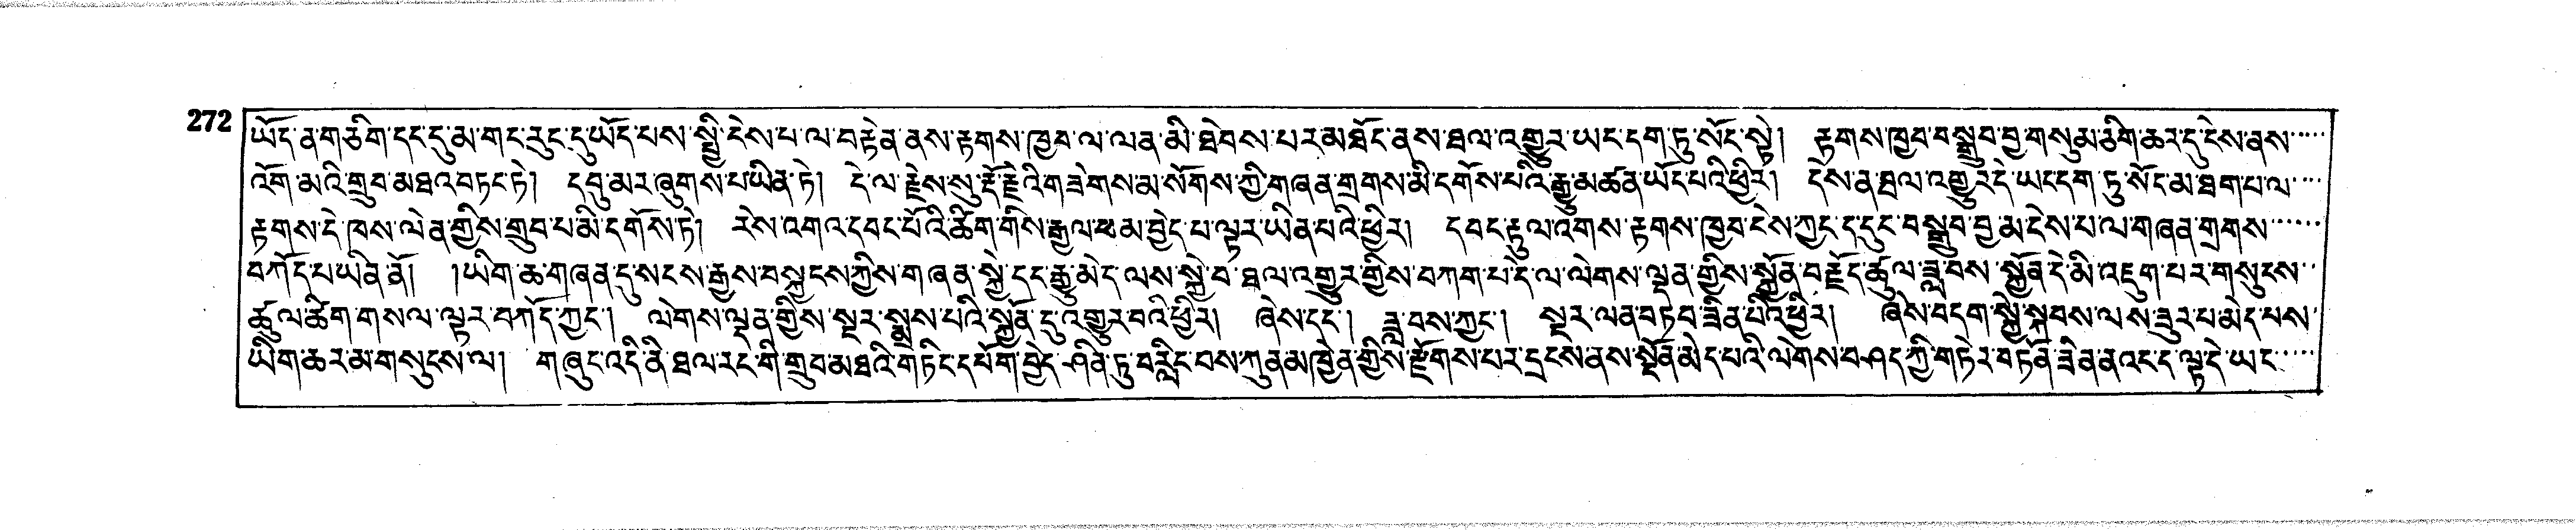ཡོད་ན་གཅིག་དང་དུ་མ་གང་རུང་དུ་ཡོད་པས་སྤྱི་ངེས་པ་ལ་བརྟེན་ནས་རྟགས་ཁྱབ་ལ་ལན་མི་ཐེབས་པར་མཐོང་ནས་ཐལ་འགྱུར་ཡང་དག་ཏུ་སོང་སྟེ། རྟགས་ཁྱབ་བསྒྲུབ་བྱ་གསུམ་ཅིག་ཆར་དུ་ངེས་ནས་
འོག་མའི་གྲུབ་མཐའ་བཏང་ཏེ། དབུ་མར་ཞུགས་པ་ཡིན་ཏེ། དེ་ལ་རྗེས་སུ་རྡོ་རྗེའི་གཟེགས་མ་སོགས་ཀྱི་གཞན་གྲགས་མི་དགོས་པའི་རྒྱུ་མཚན་ཡོད་པའི་ཕྱིར། དེས་ན་ཐལ་འགྱུར་དེ་ཡང་དག་ཏུ་སོང་མ་ཐག་པ་ལ་
རྟགས་དེ་ཁས་ལེན་གྱིས་གྲུབ་པ་མི་དགོས་ཏེ། རེས་འགའ་དབང་པོའི་ཚིག་གིས་རྒྱལ་ཕམ་བྱེད་པ་ལྟར་ཡིན་པའི་ཕྱིར། དབང་རྟུལ་འགས་རྟགས་ཁྱབ་ངེས་ཀྱང་ད་དུང་བསྒྲུབ་བྱ་མ་ངེས་པ་ལ་གཞན་གྲགས་
བཀོད་པ་ཡིན་ནོ། །ཡིག་ཆ་གཞན་དུ་སངས་རྒྱས་བསྐྱངས་ཀྱིས་གཞན་སྐྱེ་དང་རྒྱུ་མེད་ལས་སྐྱེ་བ་ཐལ་འགྱུར་གྱིས་བཀག་པ་དེ་ལ་ལེགས་ལྡན་གྱིས་སྐྱོན་བརྗོད་ཚུལ་ཟླ་བས་སྐྱོན་དེ་མི་འཇུག་པར་གསུངས་
ཚུལ་ཚིག་གསལ་ལྟར་བཀོད་ཀྱང་། ལེགས་ལྡན་གྱིས་སྔར་སྨྲས་པའི་སྐྱོན་དུ་འགྱུར་བའི་ཕྱིར། ཞེས་དང་། ཟླ་བས་ཀྱང་། སྔར་ལན་བཏབ་ཟིན་པའི་ཕྱིར། ཞེས་བདག་སྐྱེ་སྐབས་ལས་ཟུར་པ་མེད་པས་
ཡིག་ཆར་མ་གསུངས་ལ། གཞུང་འདི་ནི་ཐལ་རང་གི་གྲུབ་མཐའི་གཏིང་དཔོག་བྱེད་ཤིན་ཏུ་བརླིང་བས་ཀུན་མཁྱེན་གྱིས་རྫོགས་པར་དྲངས་ནས་སྔོན་མེད་པའི་ལེགས་བཤད་ཀྱི་གཏེར་བཏོན་ཟིན་ནའང་ད་ལྟ་དེ་ཡང་